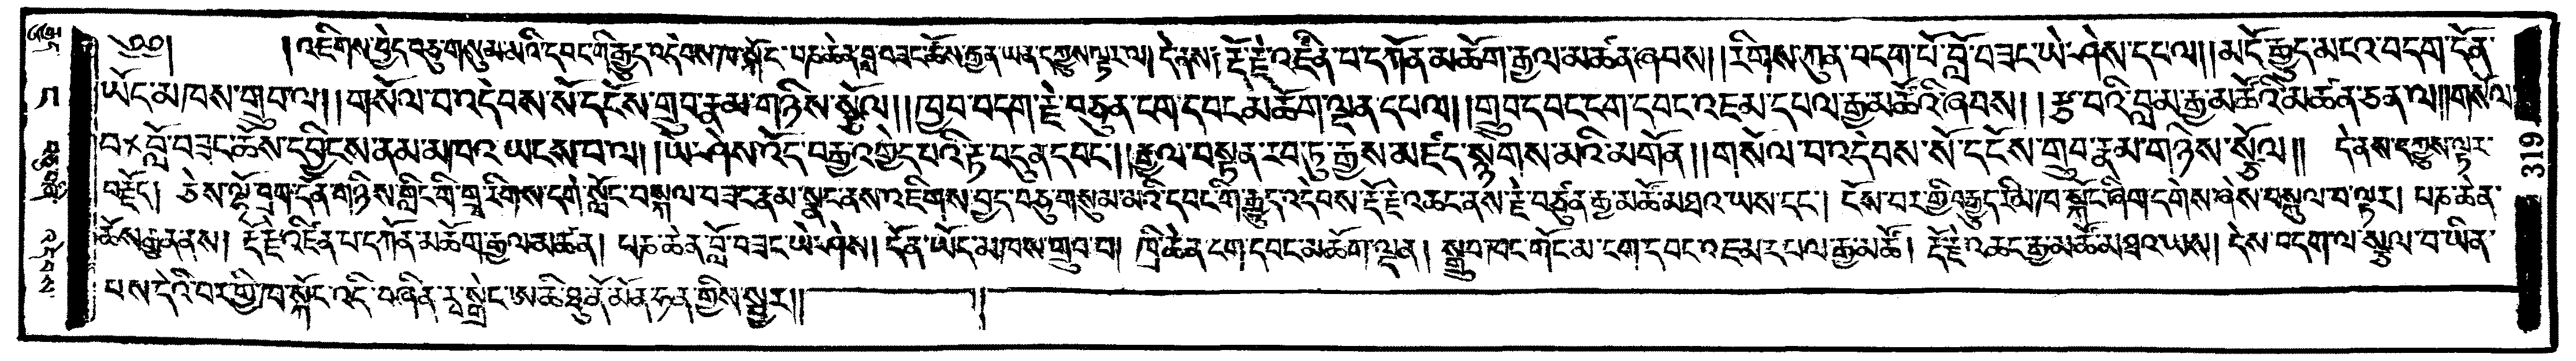༄༅། །འཇིགས་བྱེད་བཅུ་གསུམ་མའི་དབང་གི་རྒྱུད་འདེབས་ཁ་སྐོང་པཎ་ཆེན་བློ་བཟང་ཆོས་རྒྱན་ཡན་དཀྱུས་ལྟར་ལ། དེ་ནས། རྡོ་རྗེ་འཛིན་པ་དཀོན་མཆོག་རྒྱལ་མཚན་ཞབས། །རིགས་ཀུན་བདག་པོ་བློ་བཟང་ཡེ་ཤེས་དཔལ། །མདོ་རྒྱུད་མངའ་བདག་དོན་
ཡོད་མཁས་གྲུབ་ལ། །གསོལ་བ་འདེབས་སོ་དངོས་གྲུབ་རྣམ་གཉིས་སྩོལ། །ཁྱབ་བདག་རྗེ་བཙུན་ངག་དབང་མཆོག་ལྡན་དཔལ། །གྲུབ་དབང་ངག་དབང་འཇམ་དཔལ་རྒྱ་མཚོའི་ཞབས། །རྩ་བའི་བླ་མ་རྒྱ་མཚོའི་མཚན་ཅན་ལ། །གསོལ་
བ་{྾}་བློ་བཟང་ཆོས་དབྱིངས་ནམ་མཁའ་ཡངས་པ་ལ། །ཡེ་ཤེས་འོད་བརྒྱ་འགྱེད་པའི་རྟ་བདུན་དབང་། །རྒྱལ་བསྟན་རབ་ཏུ་རྒྱས་མཛད་སྙིགས་མའི་མགོན། །གསོལ་བ་འདེབས་སོ་དངོས་གྲུབ་རྣམ་གཉིས་སྩོལ། །དེ་ནས་དཀྱུས་ལྟར་
བརྗོད། ཅེས་ལྷོ་བྲག་དོན་གཉིས་གླིང་གི་གྲྭ་རིགས་དགེ་སློང་བསྐལ་བཟང་རྣམ་སྣང་ནས་འཇིགས་བྱེད་བཅུ་གསུམ་མའི་དབང་གི་རྒྱུད་འདེབས་རྡོ་རྗེ་འཆང་ནས་རྗེ་བཙུན་རྒྱ་མཚོ་མཐའ་ཡས་དང་། ངོས་བར་གྱི་བརྒྱུད་རིམ་ཁ་སྐོང་ཞིག་དགོས་ཞེས་བསྐུལ་བ་ལྟར། པཎ་ཆེན་
ཆོས་རྒྱན་ནས། རྡོ་རྗེ་འཛིན་པ་དཀོན་མཆོག་རྒྱལ་མཚན། པཎ་ཆེན་བློ་བཟང་ཡེ་ཤེས། དོན་ཡོད་མཁས་གྲུབ་བ། ཁྲི་ཆེན་ངག་དབང་མཆོག་ལྡན། སྒྲུབ་ཁང་གོང་མ་ངག་དབང་འཇམ་དཔལ་རྒྱ་མཚོ། རྡོ་རྗེ་འཆང་རྒྱ་མཚོ་མཐའ་ཡས། དེས་བདག་ལ་སྩལ་བ་ཡིན་
པས་དེའི་བར་གྱི་ཁ་སྐོང་འདི་བཞིན་རྭ་སྒྲེང་ཨ་ཆི་ཐུ་ནོ་མོན་ཧན་གྱིས་སྦྱར།། །།